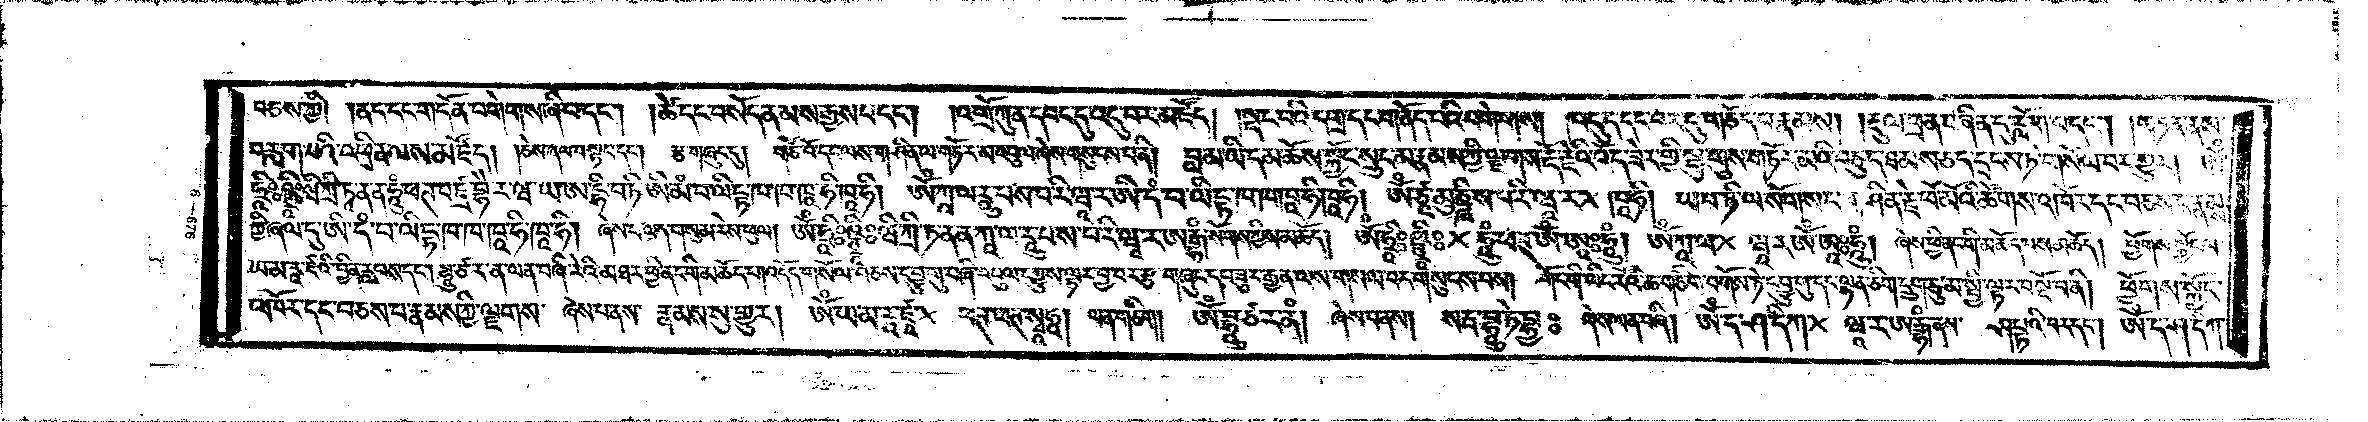བཅས་ཀྱི། །ནང་དང་གདོན་བགེགས་ཞིང་དང་། །ཚེ་དང་བསོད་ནམས་རྒྱས་པ་དང་། །འགྲོ་ཀུན་དབང་དུ་འདུ་བར་མཛོད། །དང་བའི་དགྲ་དང་གནོད་པའི་བགེགས། །བདུད་དང་བར་དུ་གཅོད་པ་རྣམས། །རྡུལ་ཕྲན་བཞིན་དུ་རློག་པ་དང་། །གཏན་ནས་
བརླབ་པའི་འཕྲིན་ལས་མཛོད། །ཅེས་ཞལ་བསྟན་བདག་རྩ་གཞུང་དུ། །གཙོ་བོ་དང་ལས་གཤིན་ལ་གཏོར་མ་འབུལ་ཞེས་གསུངས་པ་ནི། །བླ་མ་ཡི་དམ་ཆོས་སྐྱོན་སྲུང་མ་རྣམས་ཀྱི་ལྗགས་རྡོ་རྗེའི་འོད་ཟེར་གྱི་སྤྲུལ་གུས་གཏོར་མའི་བཅུད་ཐམས་ཅད་དྲངས་ཏེ་གསོལ་བར་གྱུར། ཨོཾ་
ཧྲཱིཿ ཥྚྲཱིཿ ཝི་ཀྲི་ཏཱ་ན་ན་ཧཱུཾ་ཕཊ་བཛྲ་བྷཻ་ར་ཝ་ཡ་ཨ་དྷི་བ་ཏི་ཨི་མཾ་བ་ལིངྟ་ཁ་ཁ་ཁཱ་ཧི་ཁཱ་ཧི། ཨོཾ་ཀཱ་ལ་རཱུ་ས་པ་རི་ཝཱ་ར་ཨི་དཾ་པ་ལིངྟ་ཁ་ཁ་ཁཱ་ཧི་ཁཱ་ཧི། ཨོཾ་ཛའ་མུཎྜཱི་ས་པ་རི་ཝཱ་ར྾་ཁཱ་ཧི། ཡ་པ་ཏི་ལ་སོགས་པ་གཤིན་རྗེ་ཕོ་མོའི་ཚོགས་འཁོར་དང་བཅས་པ་རྣམས་
ཀྱི་ཞལ་དུ་ཨི་དཾ་པ་ལིངྟ་ཁ་ཁ་ཁཱ་ཧི་ཁཱ་ཧི། ཞེས་པ་ལན་གསུམ་རེས་ཕུལ། ཨོཾ་ཧྲཱིཿ ཥྚྲཱིཿ ཝི་ཀྲི་ཏ་ན་ན་ཀཱ་ལ་རཱུ་པ་ས་པ་རི་ཝྭ་ར་ཨརྒྷཾ་སོགས་ཀྱིས་མཆོད། ཨོཾ་ཧྲཱིཿ ཥྚྲཱིཿ྾་ཧཱུཾ་ཕཊ་ཨོཾ་ཨཱཿ ཧཱུཾ། ཨོཾ་ཀཱ་ལ྾་ཝཱ་ར་ཨོཾ་ཨཱཿ ཧཱུཾ། ཞེས་ཕྱི་ནང་གི་མཆོད། ཕྱོགས་སྐྱོང་ལ་
ཡ་མ་རཱ་ཛའི་བྱིན་རླབས་དང་། །ཤཱུར་ཙ་ར་ན་ལན་བཞི་རེའི་མཐར་ཕྱི་ནང་གི་མཆོད་པ། འདོད་གསོལ་བཅས་དབྱུ་གུ་བཞི་འབུལ་དཀྱུས་ལྟར་བྱ་བར་རྩ་གཞུང་དུ་བཟུར་རྒྱན་ལས་གསལ་བར་གསུངས་པས། གོང་གི་ཡིད་རེའི་ཆ་གཅིག་བགོས་ཏེ་འབྱུག་གུ་དང་ལྷན་ཅིག་དྲུག་ཅུ་མ་སྤྱི་ལྟར་བསྔོ་བ་ནི། ཕྱོགས་སྐྱོང་
འཁོར་དང་བཅས་པ་རྣམས་ཀྱི་ལྗགས་ཞེས་པ་ནས། རྣམས་སུ་གྱུར། ཨོཾ་ཡ་མ་རཱ་ཛཱ྾་ཕཊ་ཕཊ་སྭཱཧཱ། ལན་གཅིག། ཨོཾ་བྷཱུ་ཙར་ནི། ཞེས་པ་ནས། སརྦ་བྷཱུ་ཏེ་བྷྱཿ ཞེས་ལན་བཞི། ཨོཾ་ད་ཤ་དི་ཀ་྾་ཝཱ་ར་ཨརྒྷཾ་ནས་ཤཔྟའི་བར་དང་། ཨོཾ་ད་ཤ་དིཀ་